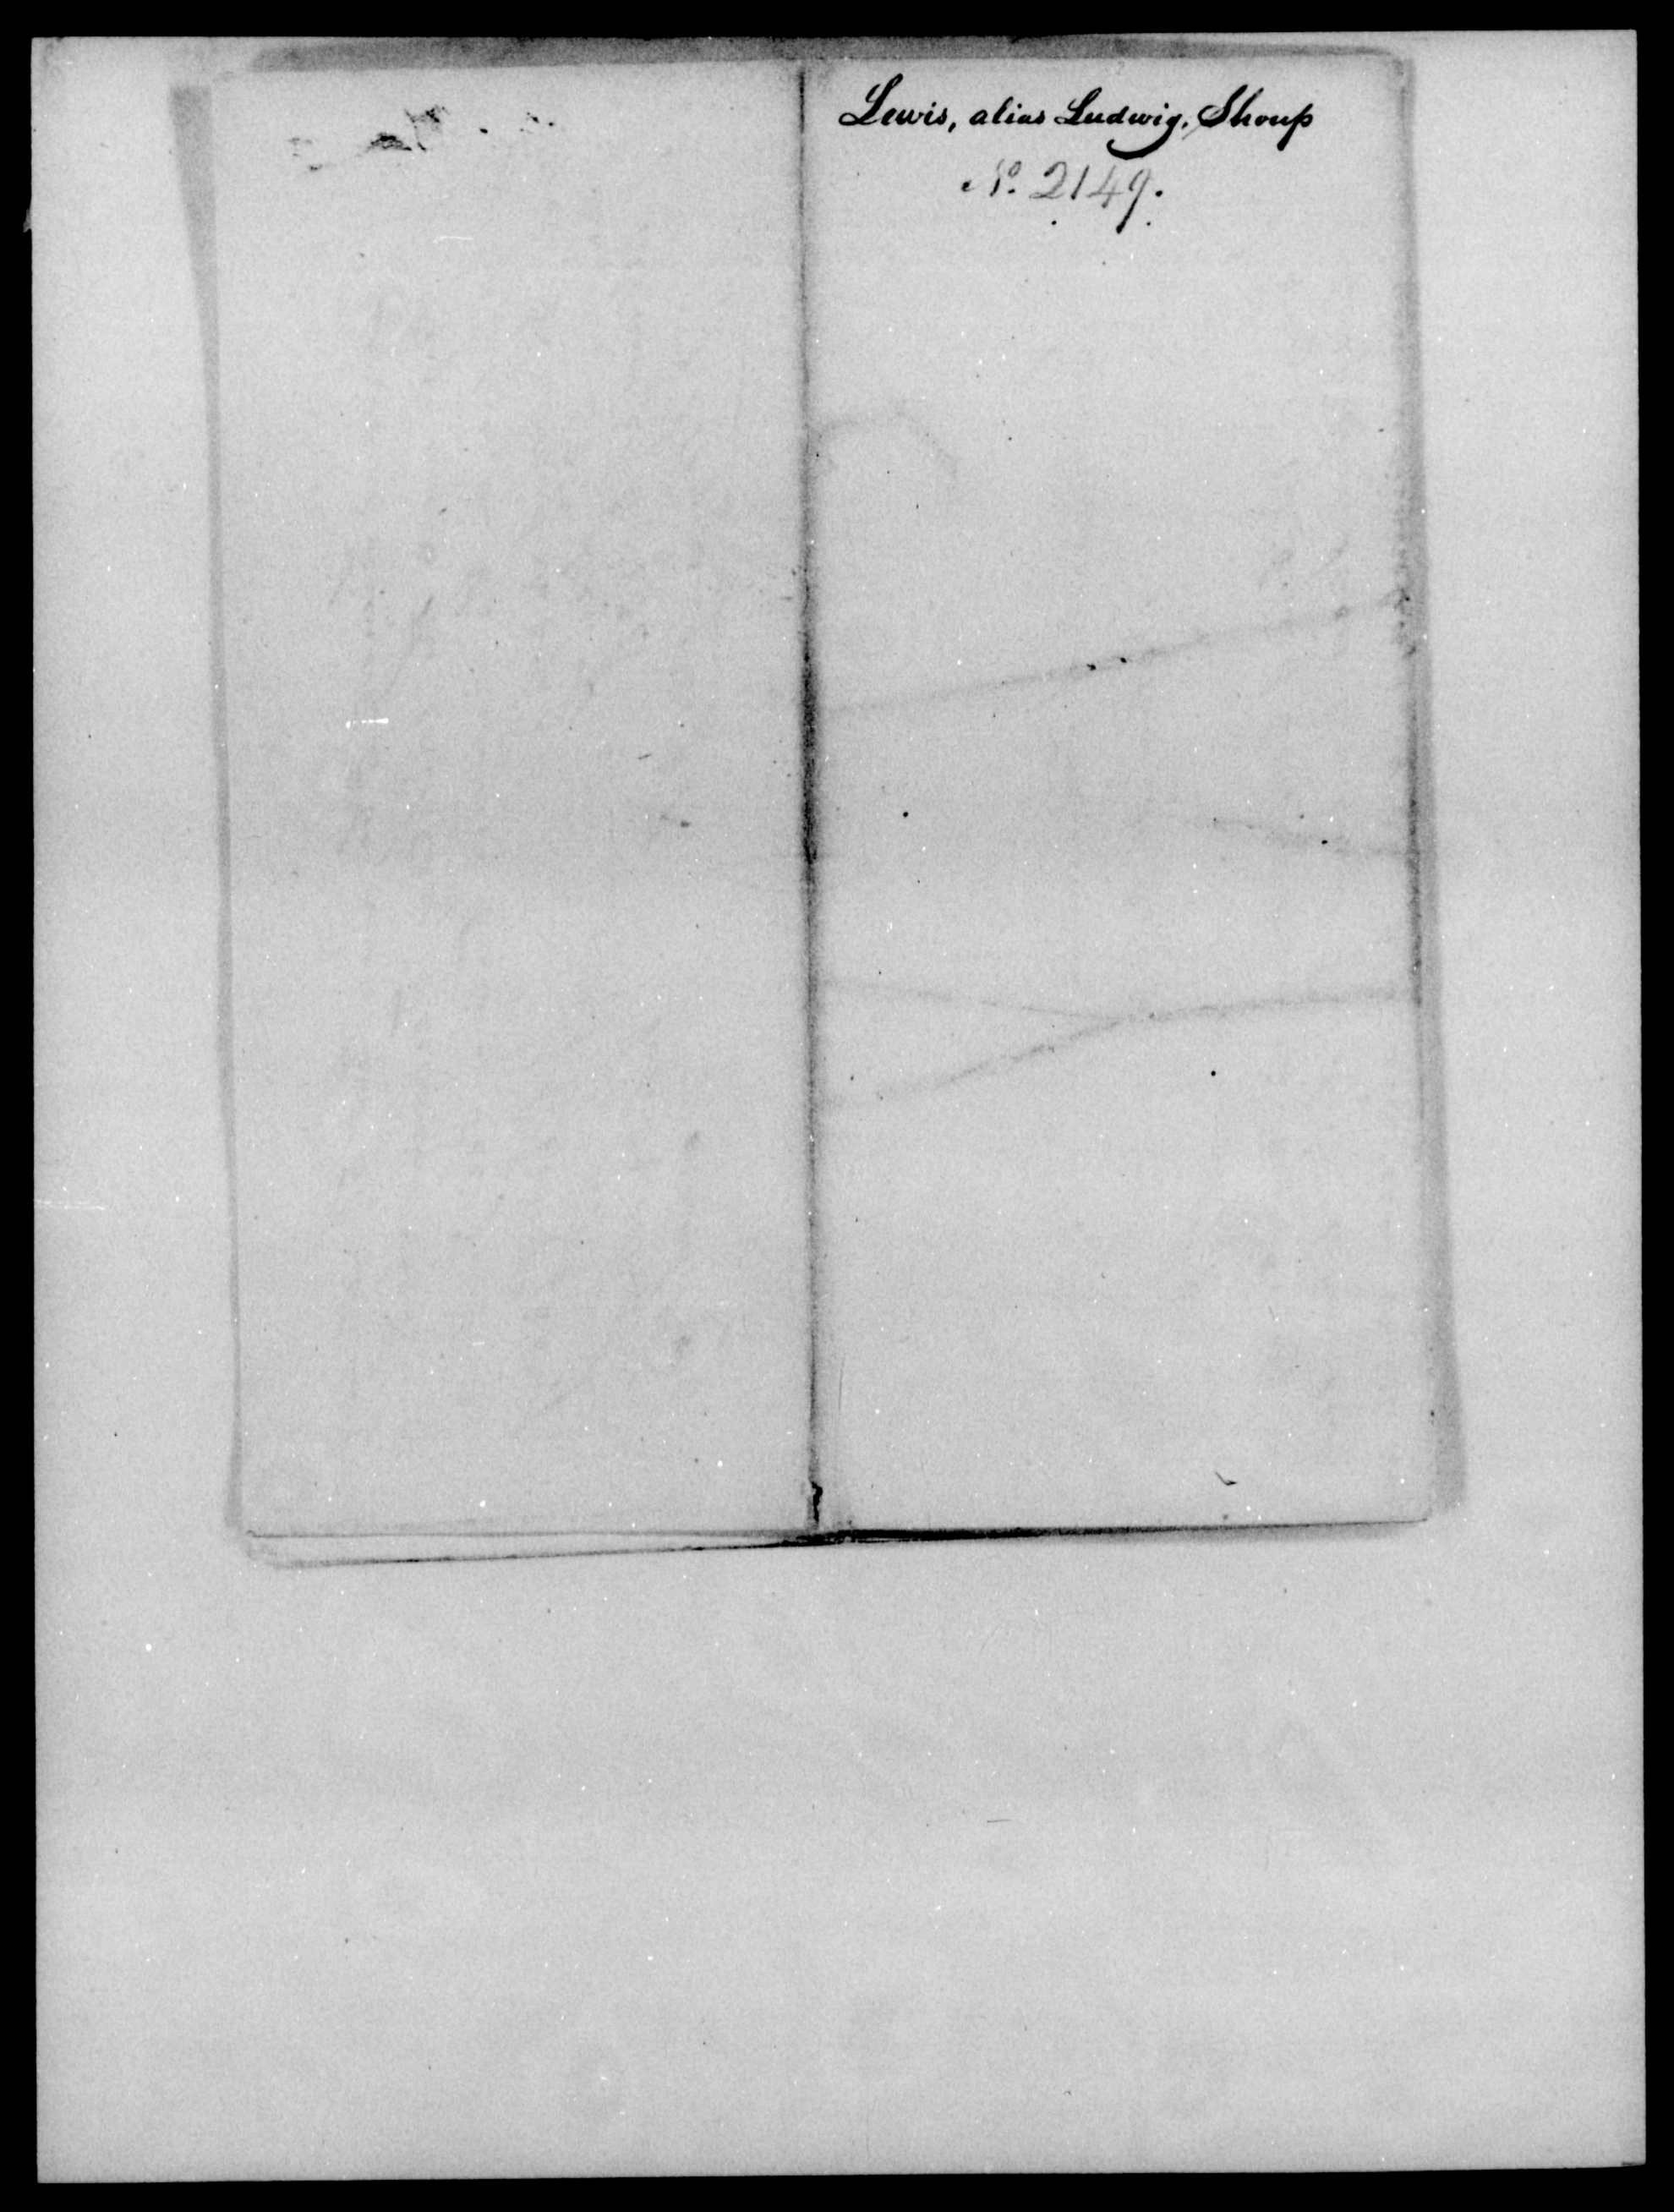Lewis, alias Ludwig, Shoup
No. 2149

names: Lewis Shoup; Ludwig Shoup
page: 7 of 19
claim: survivor's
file: S. 40410, for Ludwig Shoup, Pennsylvania